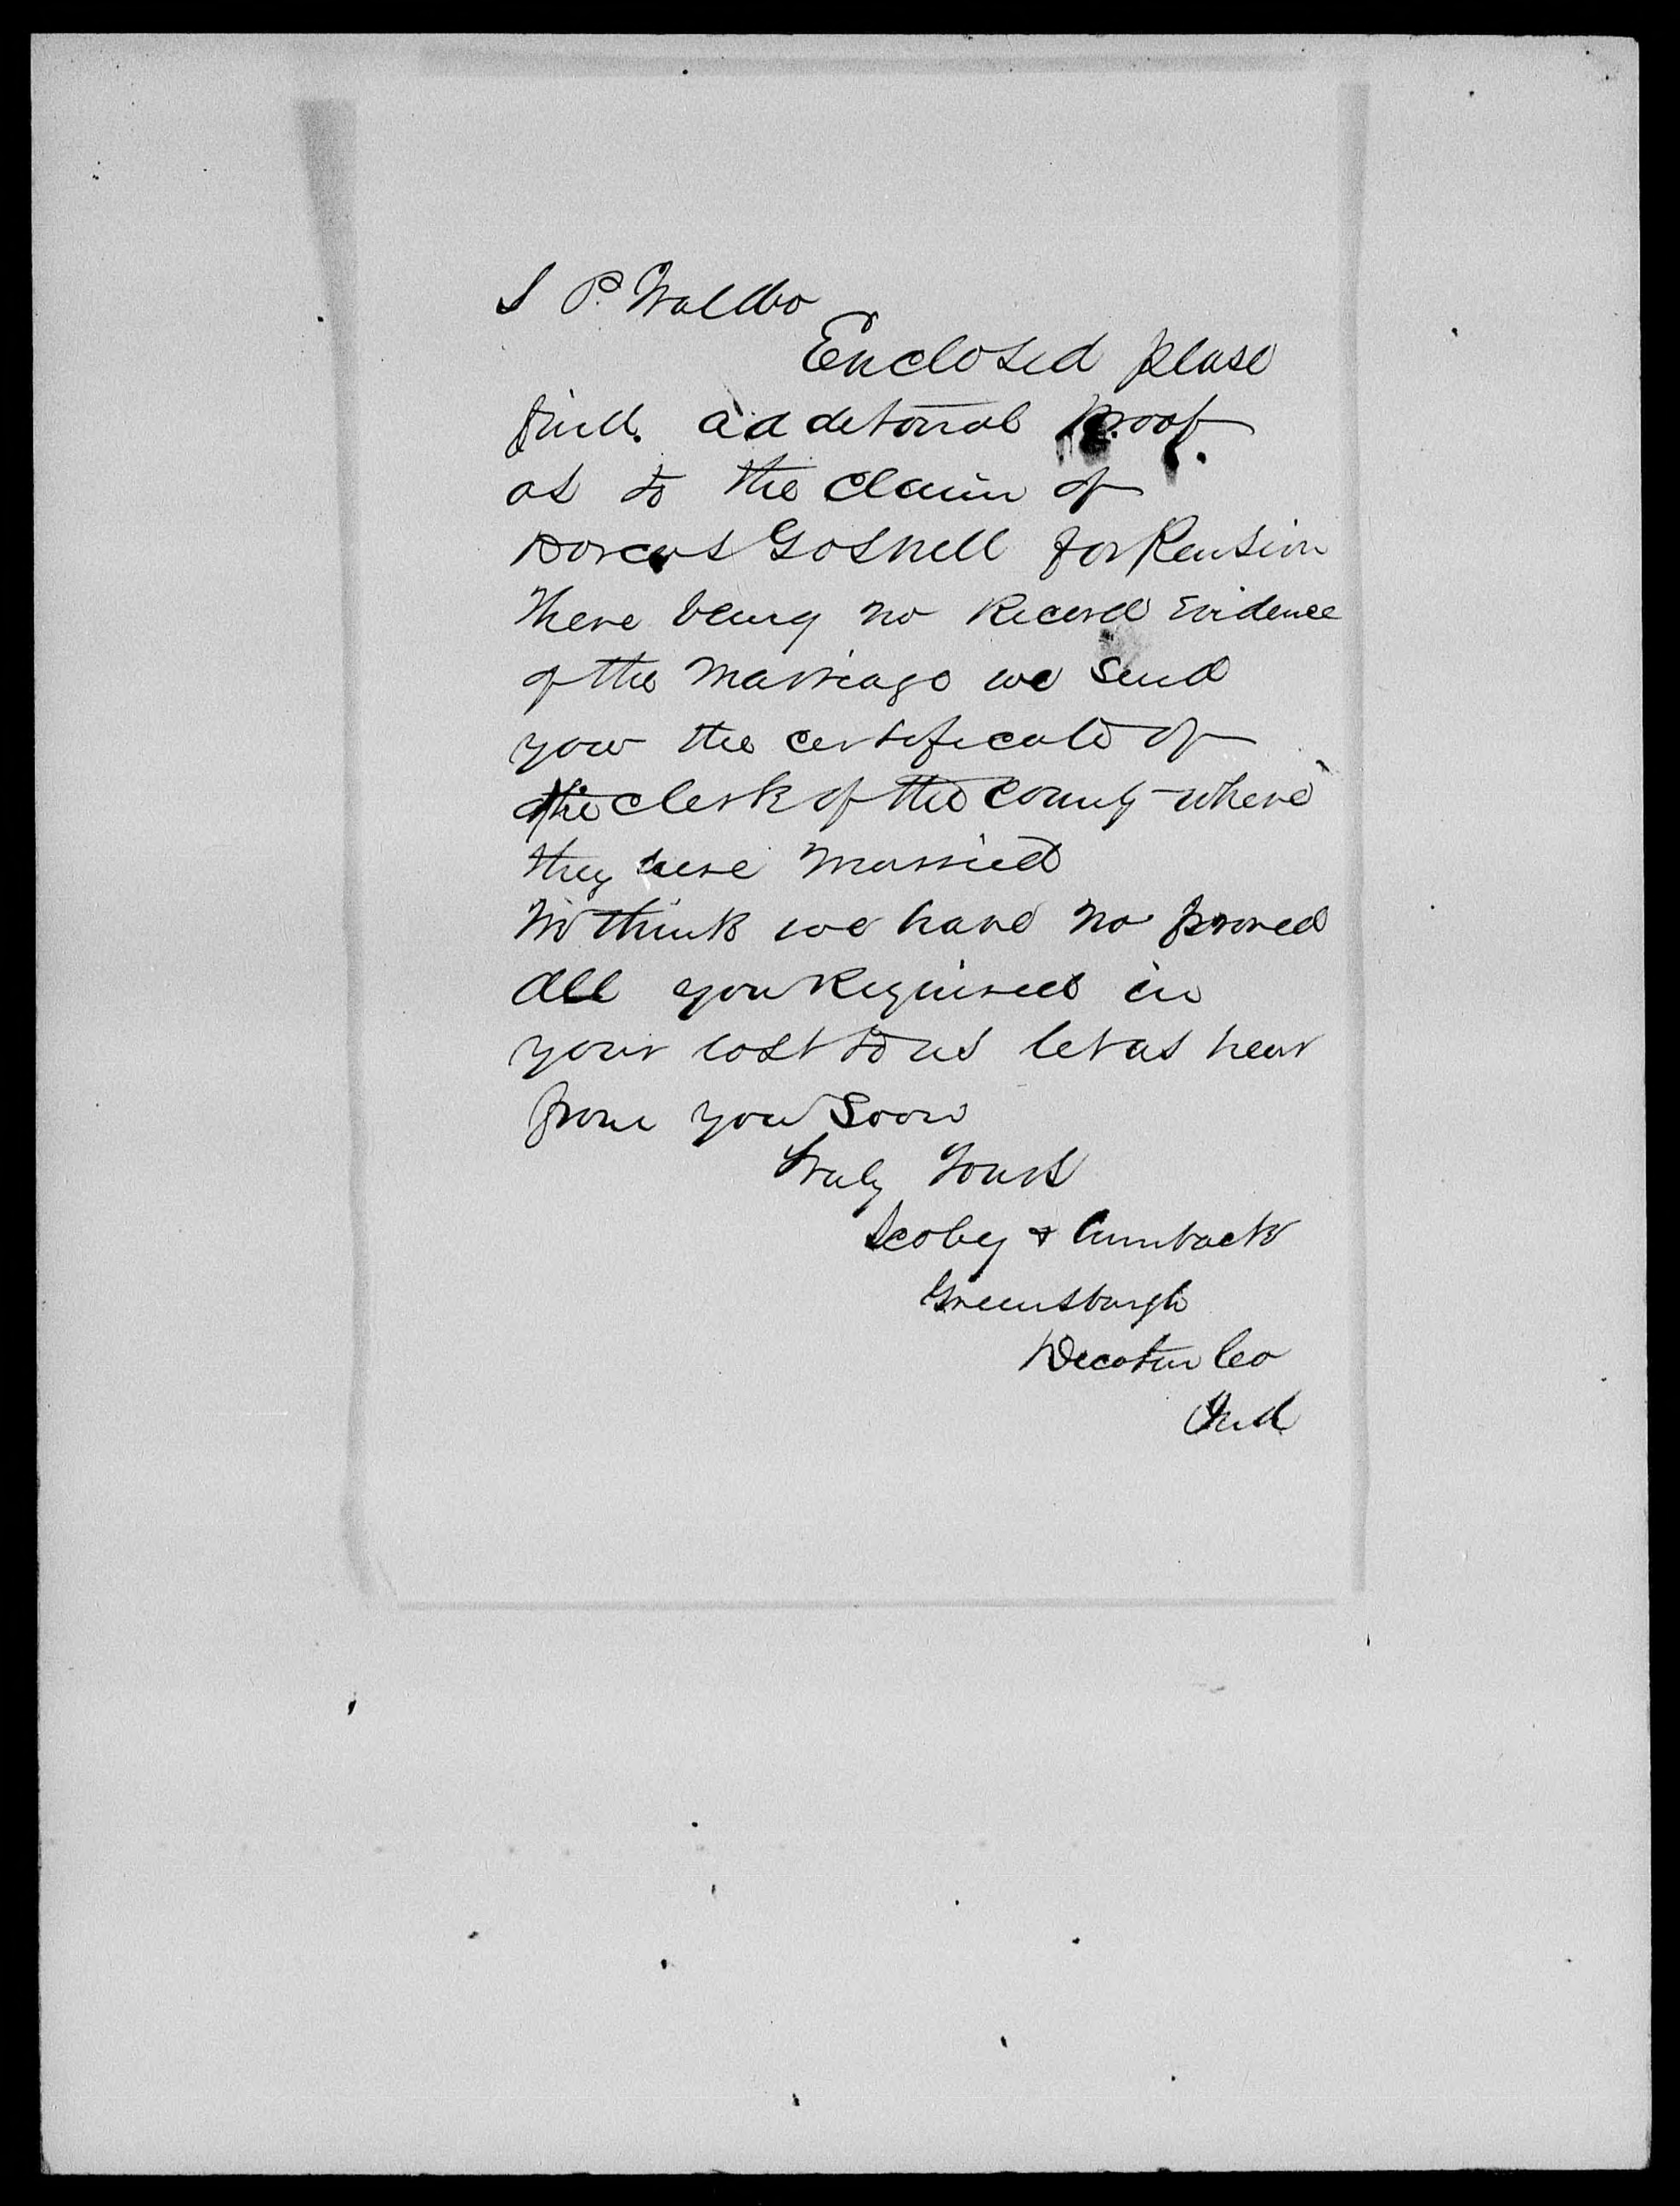L. P. Waldo
Enclosed please find additional proof as to the claim of Dorcas Gosnell for Pension there being no Record Evidence of the marriage we send you the certificate of the clerk of the county where they were married
We think we have no [now] proved all you required in your lost [or 'last'] to us[.] let us hear from you soon
Truly Yours
Scoby & Cumback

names: Cumback, Scoby, Dorcas Gosnell, L P Waldo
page: 23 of 39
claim: widow's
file: W. 11060, Benjamin Gosnell, Va.